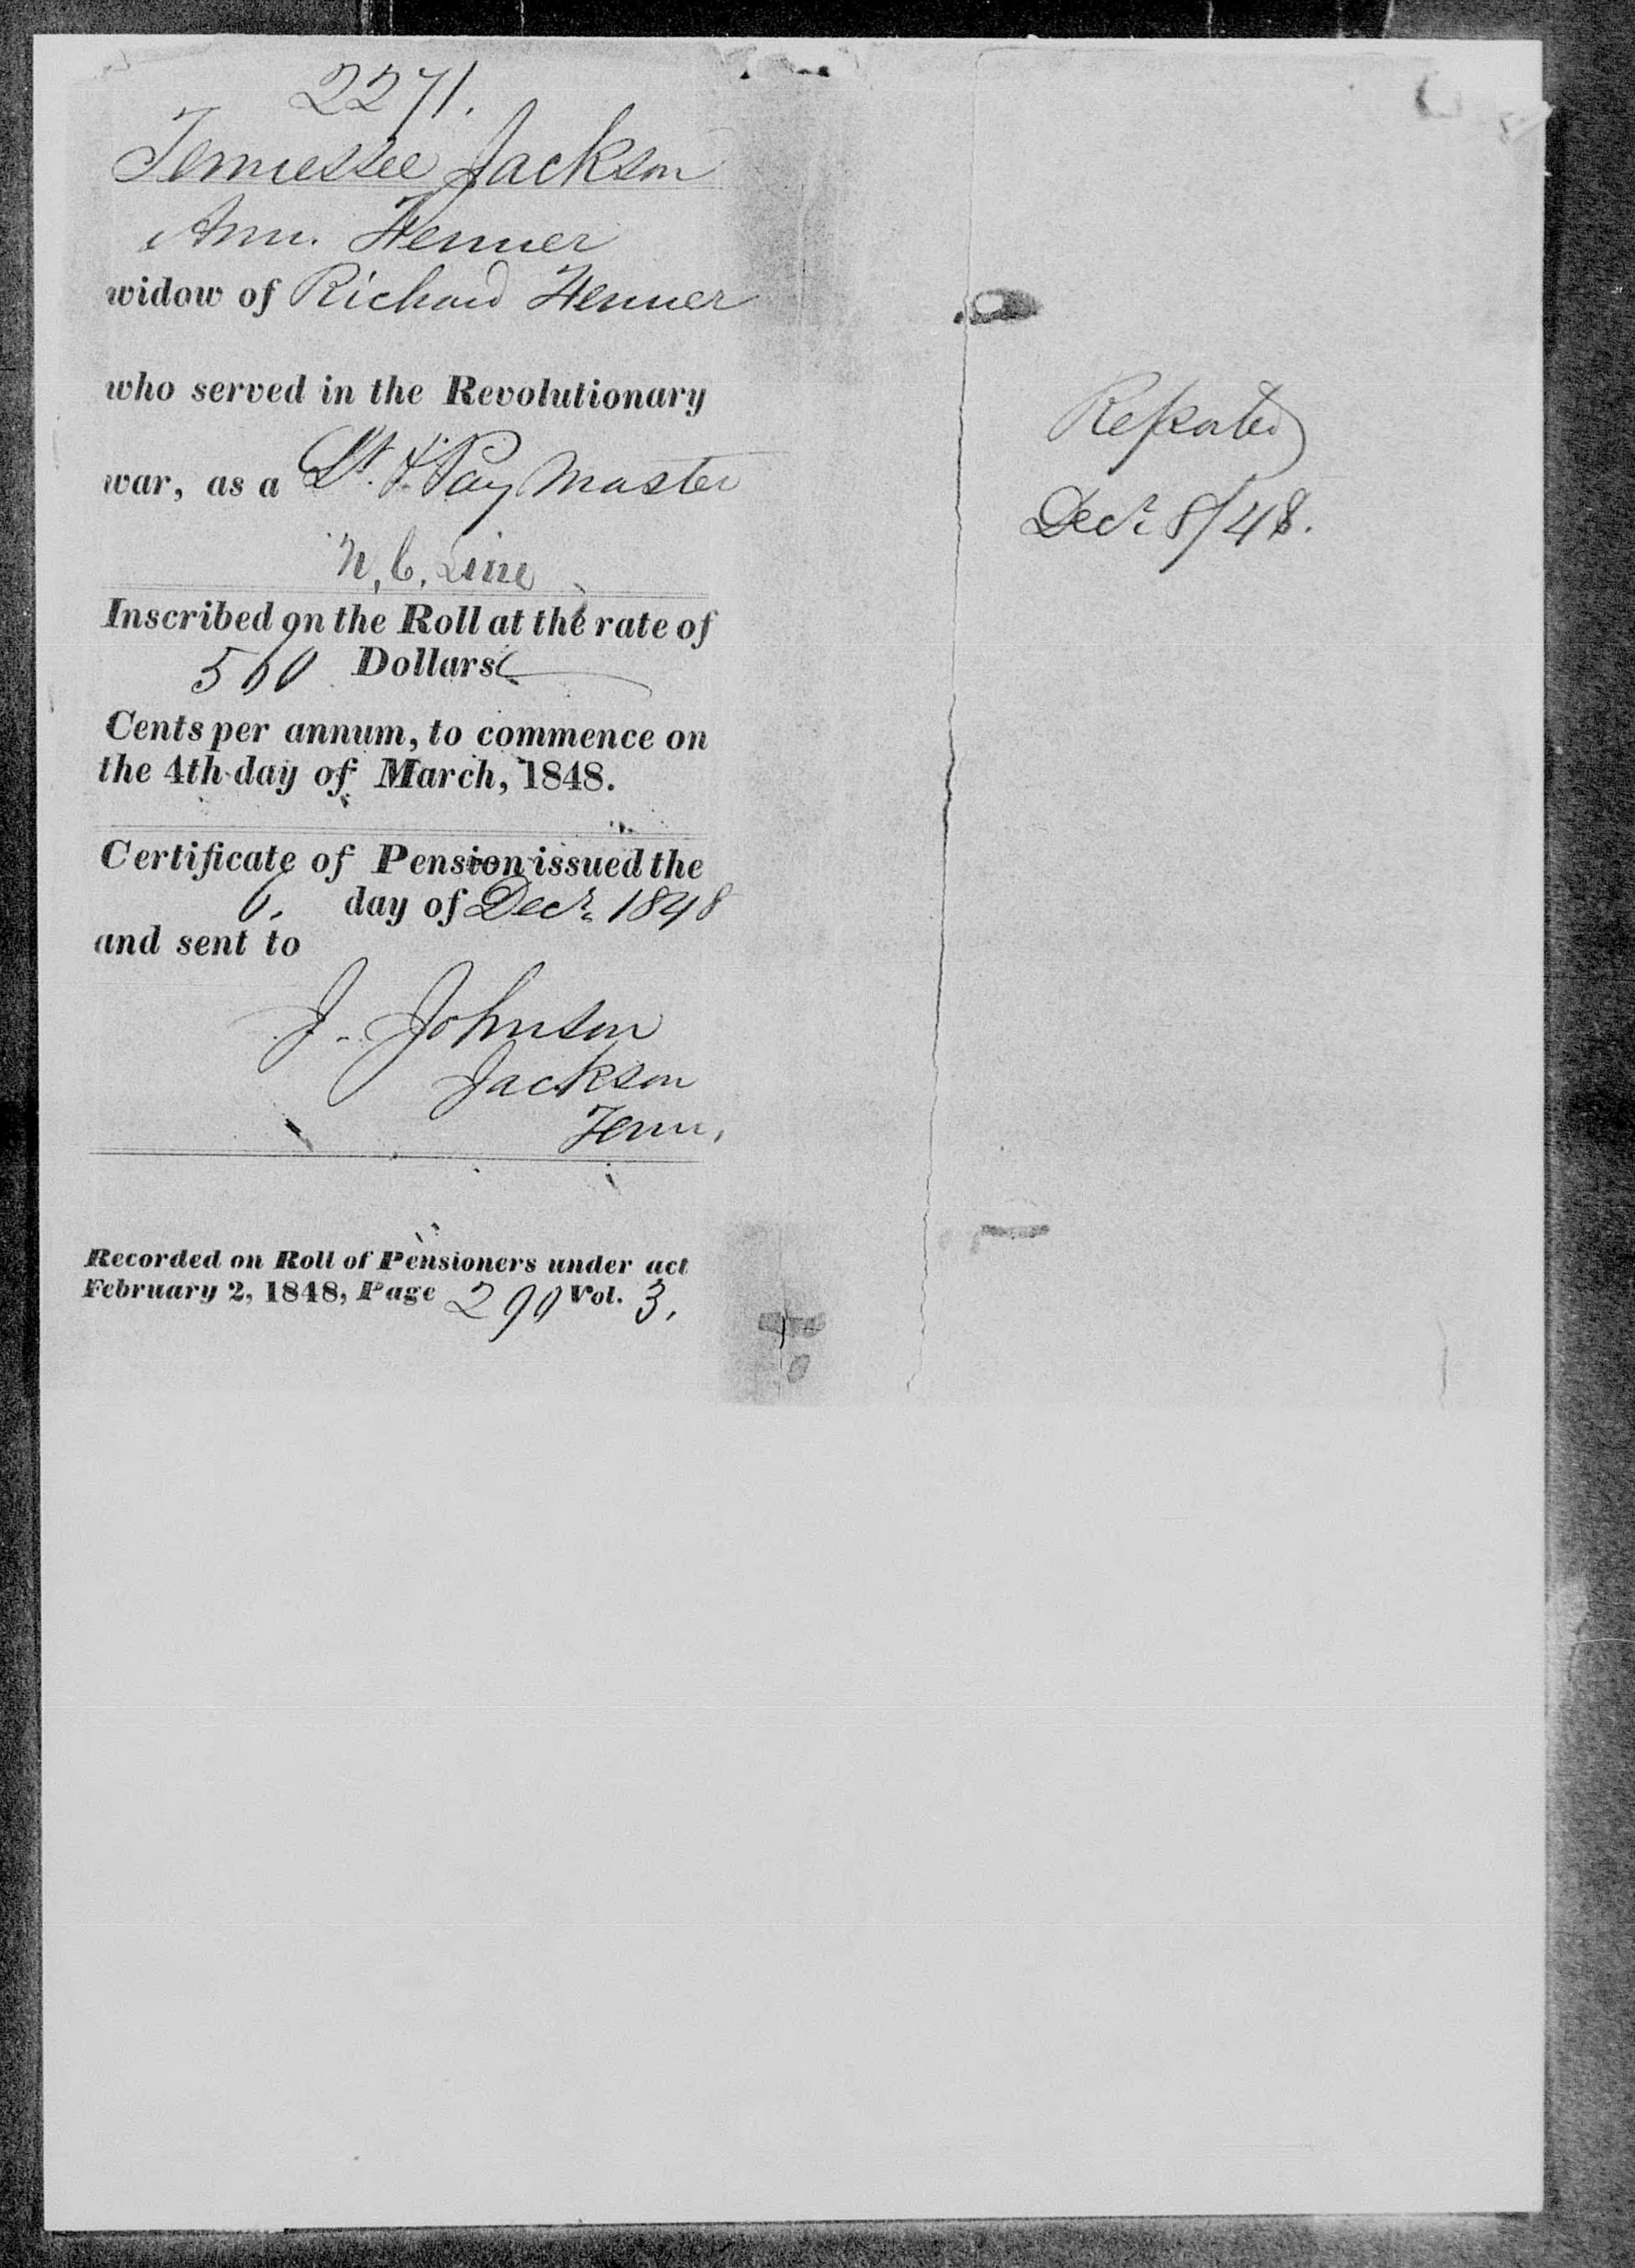2271.

Tennessee, Jackson

Ann Fenner
widow of Richard Fenner
who served in the Revolutionary
was, as a Lt. Pay Master
N. C. Line

Inscribed on the Roll at the rate of
560 Dollars
Cents per annum, to commence on
the 4th day of March, 1848.

Certificate of Pension issued the
6 day of Dec. 1848
and sent to J. Johnson
Jackson, Tenn.

Recorded on Roll of Pensioners under act
February 2, 1848, Page 299 Vol. 3.

Report
Dec. 8/48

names: Ann Fenner, J Johnson, Richard Fenner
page: 2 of 39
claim: widow's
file: W. 789, Richard Fenner, N.C.